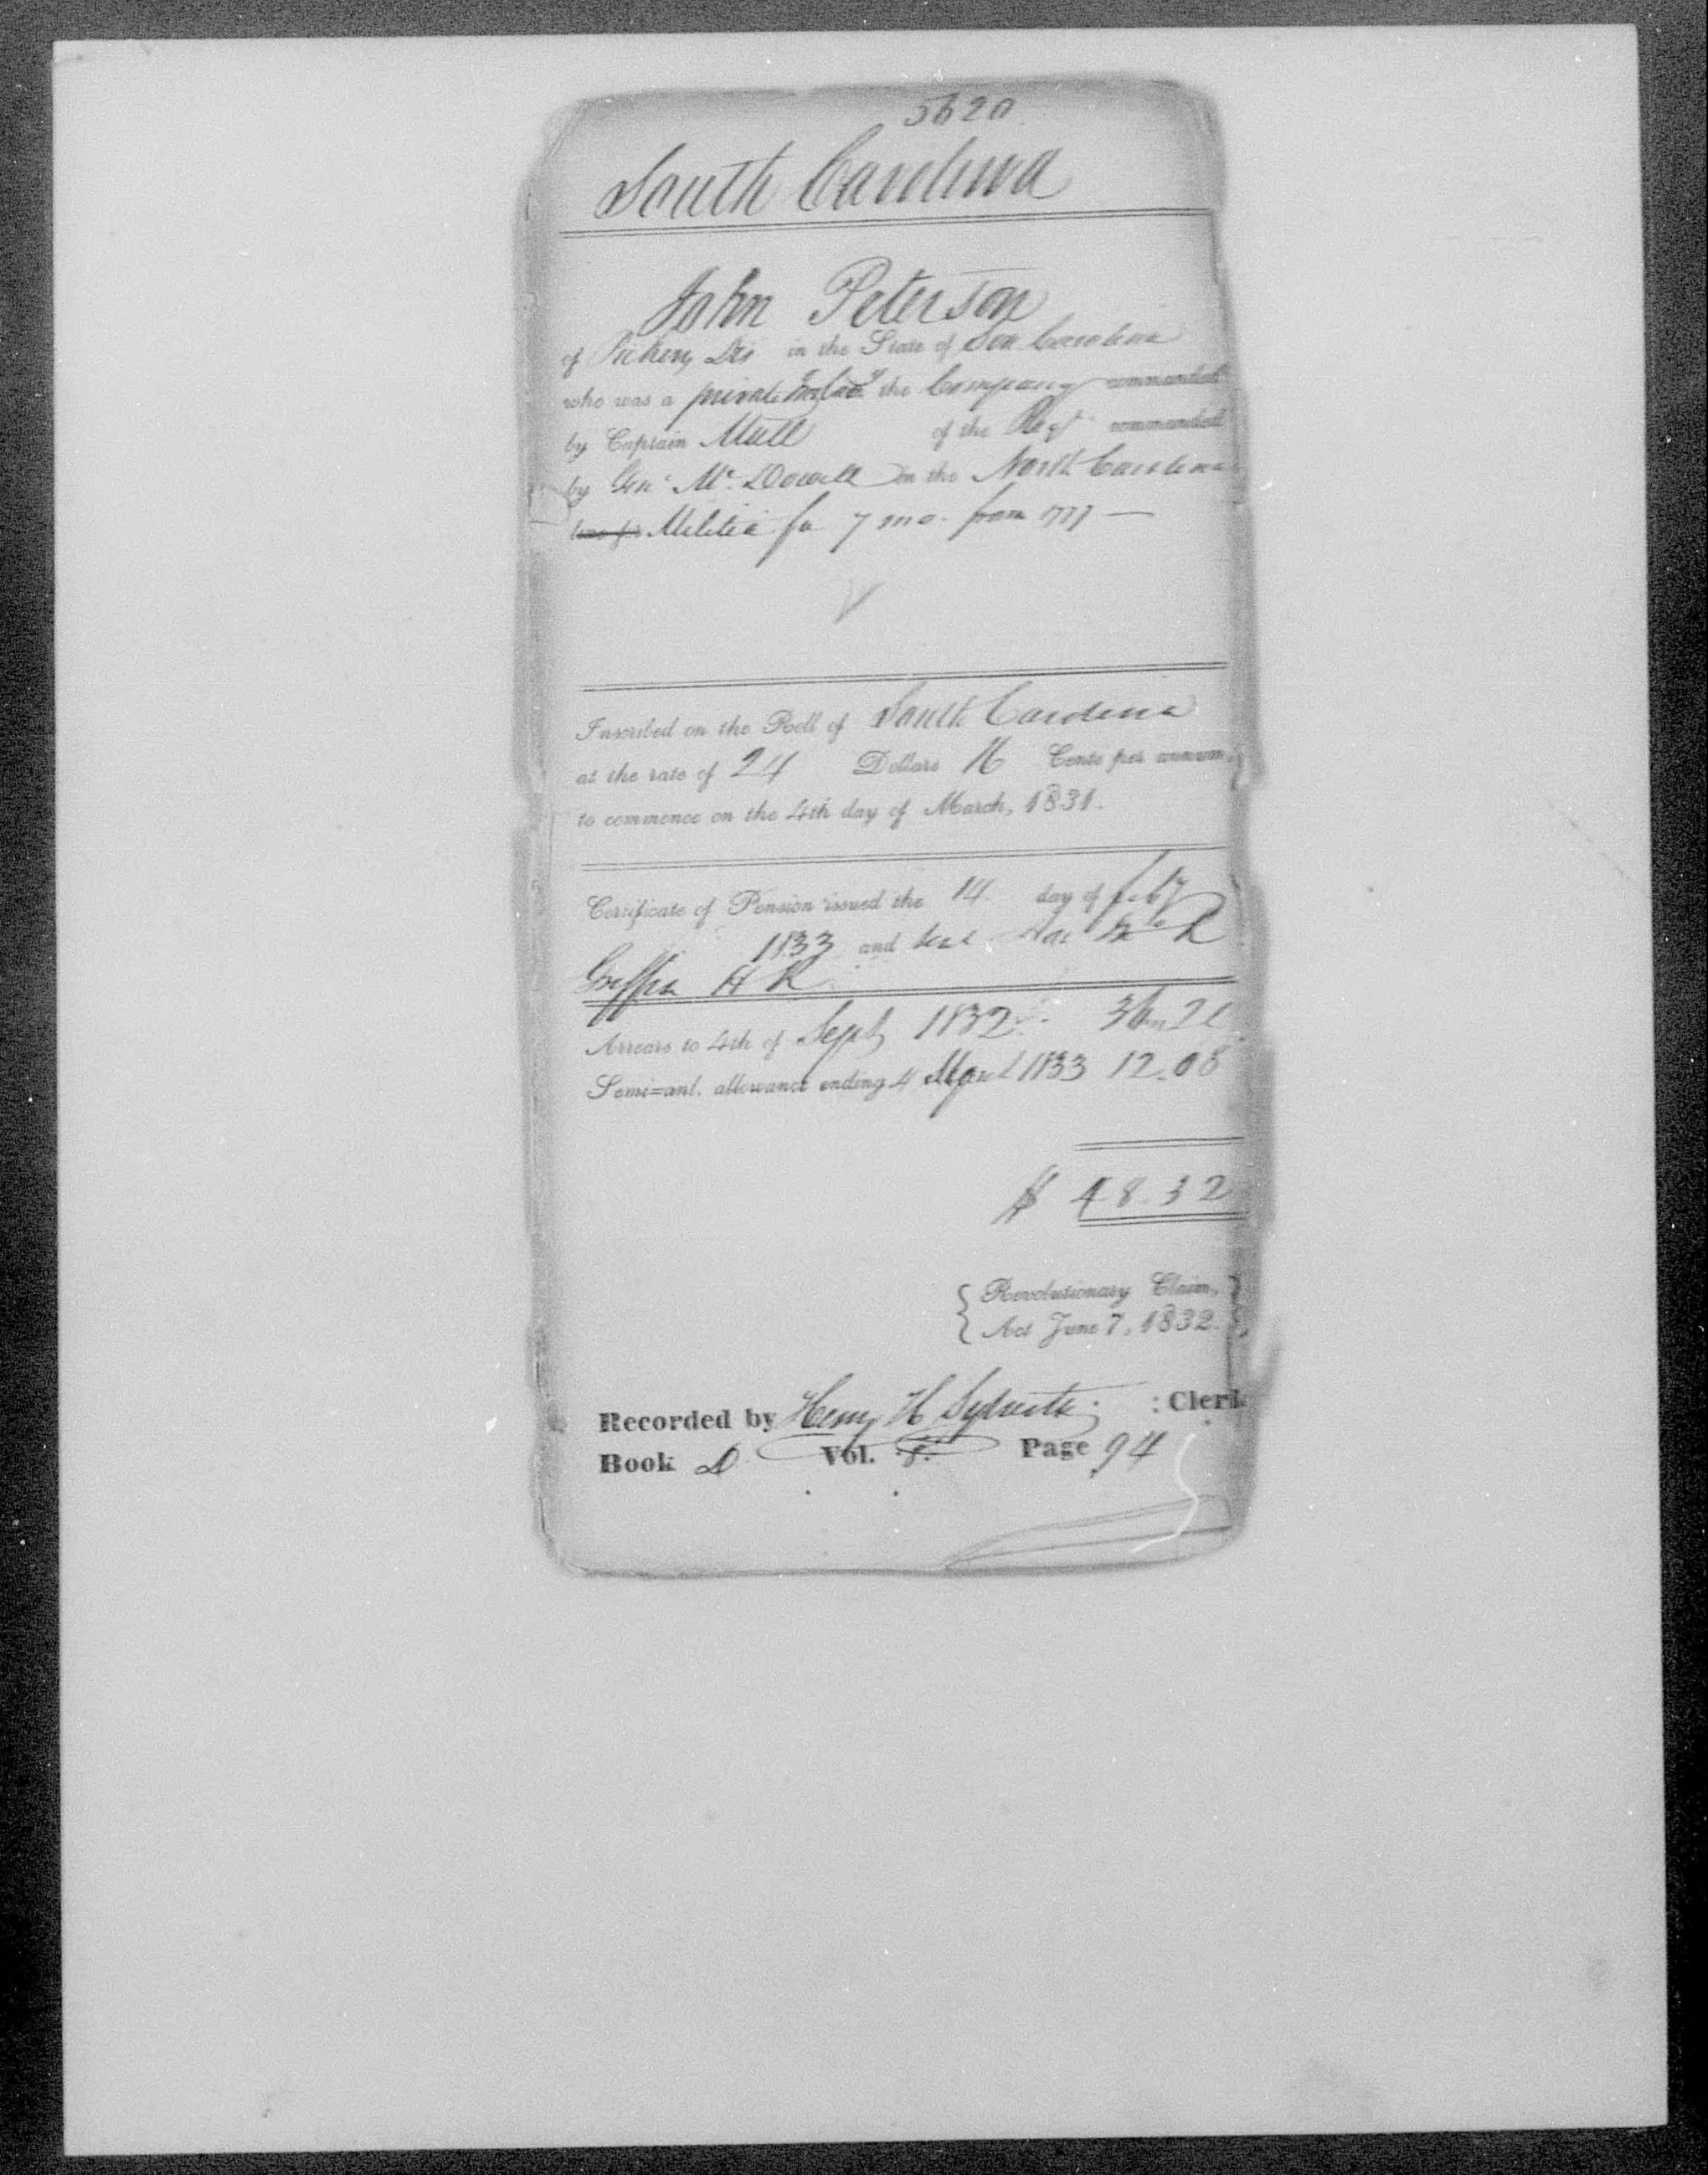5620
South Carolina
John Peterson of Pickens Dis in the State of South Carolina who was a private the Company commanded by Captain Mill of the Reg commanded by Gen McDonald in the North Carolina Militia for 7 mo from 1777

Inscribed on the Roll of South Carolina at the rate of 24 Dollars 16 Cents per annum to commence on the e4th day of March 1831
Certificate of Pension issued 14 day of Feb 1833 and (illegible)  Griffin HR
Arrears to 4th of Sept 1832 
24
Semi ani allowance ending 4 Sep 1833 
12.00
$48.32
Revolutionary Claim
Act June 7, 1832
Recorded by Henry H Sylvester clerk
Book D Vol 8 Page 94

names: John Peterson; Heny H Sylvester; [BLANK] Mull; [BLANK] Mc Dowell; Mc L Griffin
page: 2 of 13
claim: survivor's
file: S. 9,456, for John Peterson, North Carolina